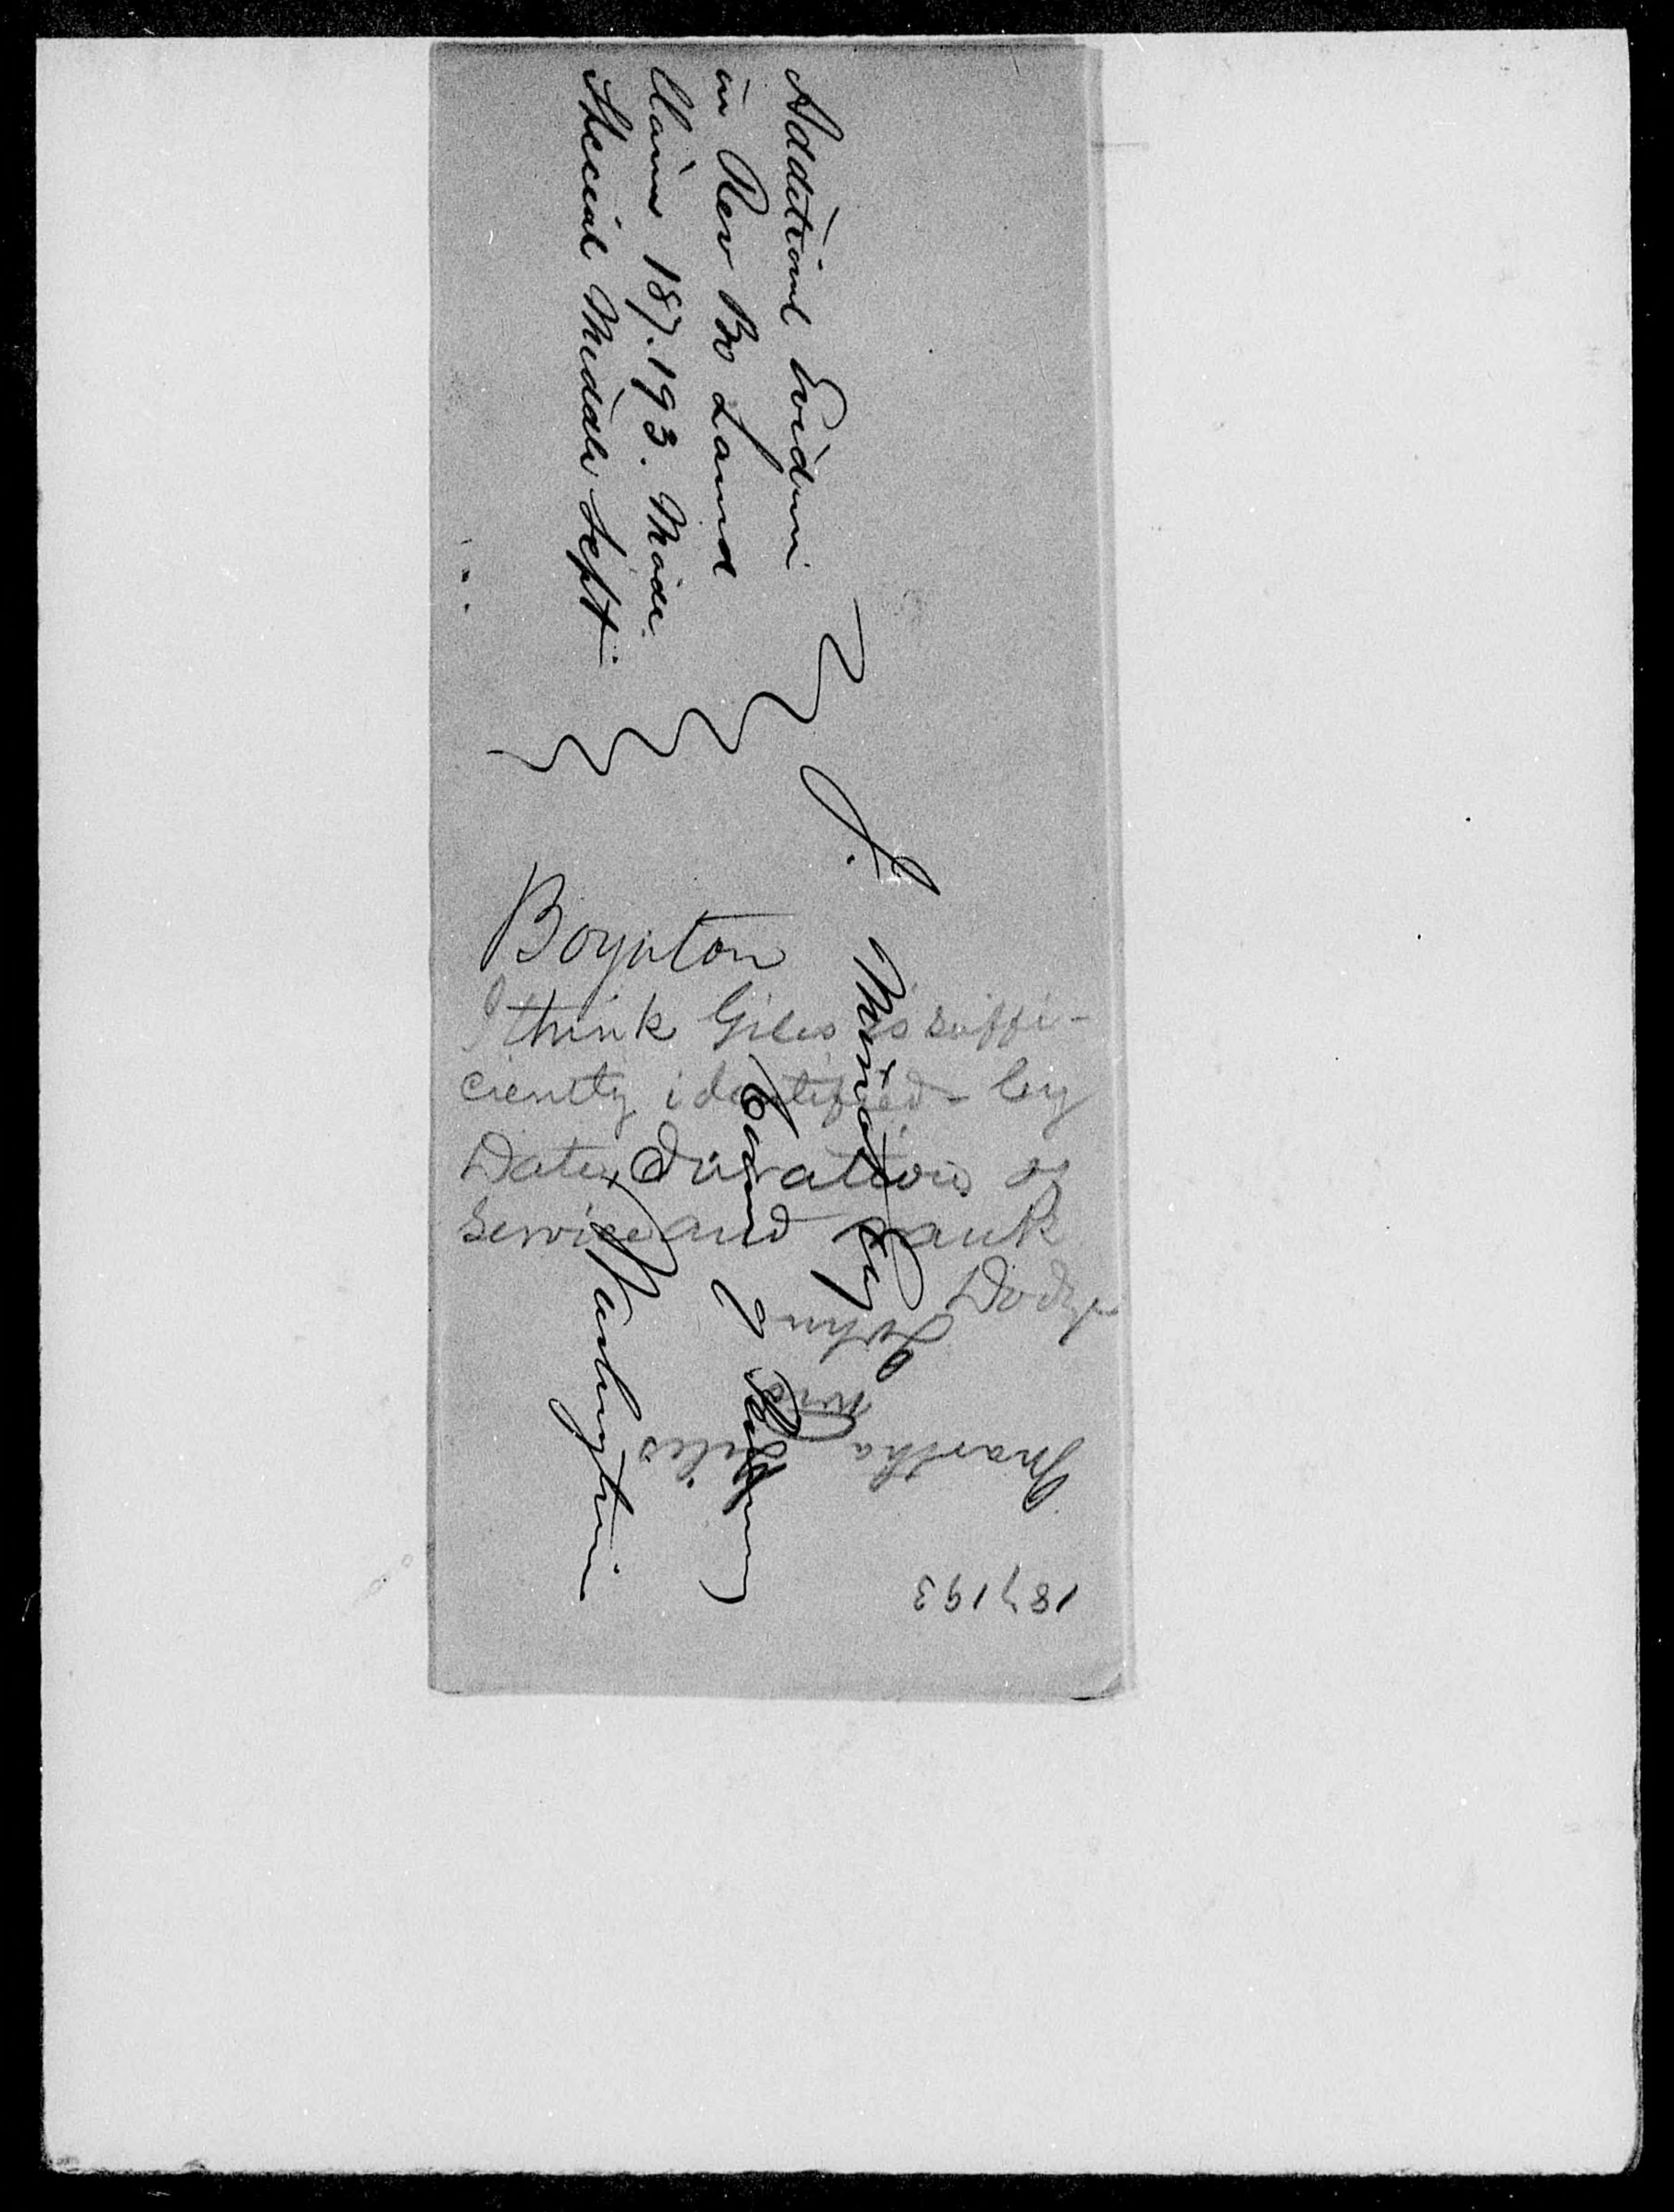Top vertical:
Additional Evidence
In Rev Bo Land
Claim 187.193 Made
Special Middle Sept


Boynton
I think Giles is sufficiently identified by date, duration of service and rank 
Dodge

Vertical:
J. Minot Esq
Commr of Pensions
Washington

upside down:
187193
Martha Giles
Wid 
John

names: Martha Giles, Giles, J Minot, John Giles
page: 50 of 82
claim: widow's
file: W. 7,522, John Giles, N.C.